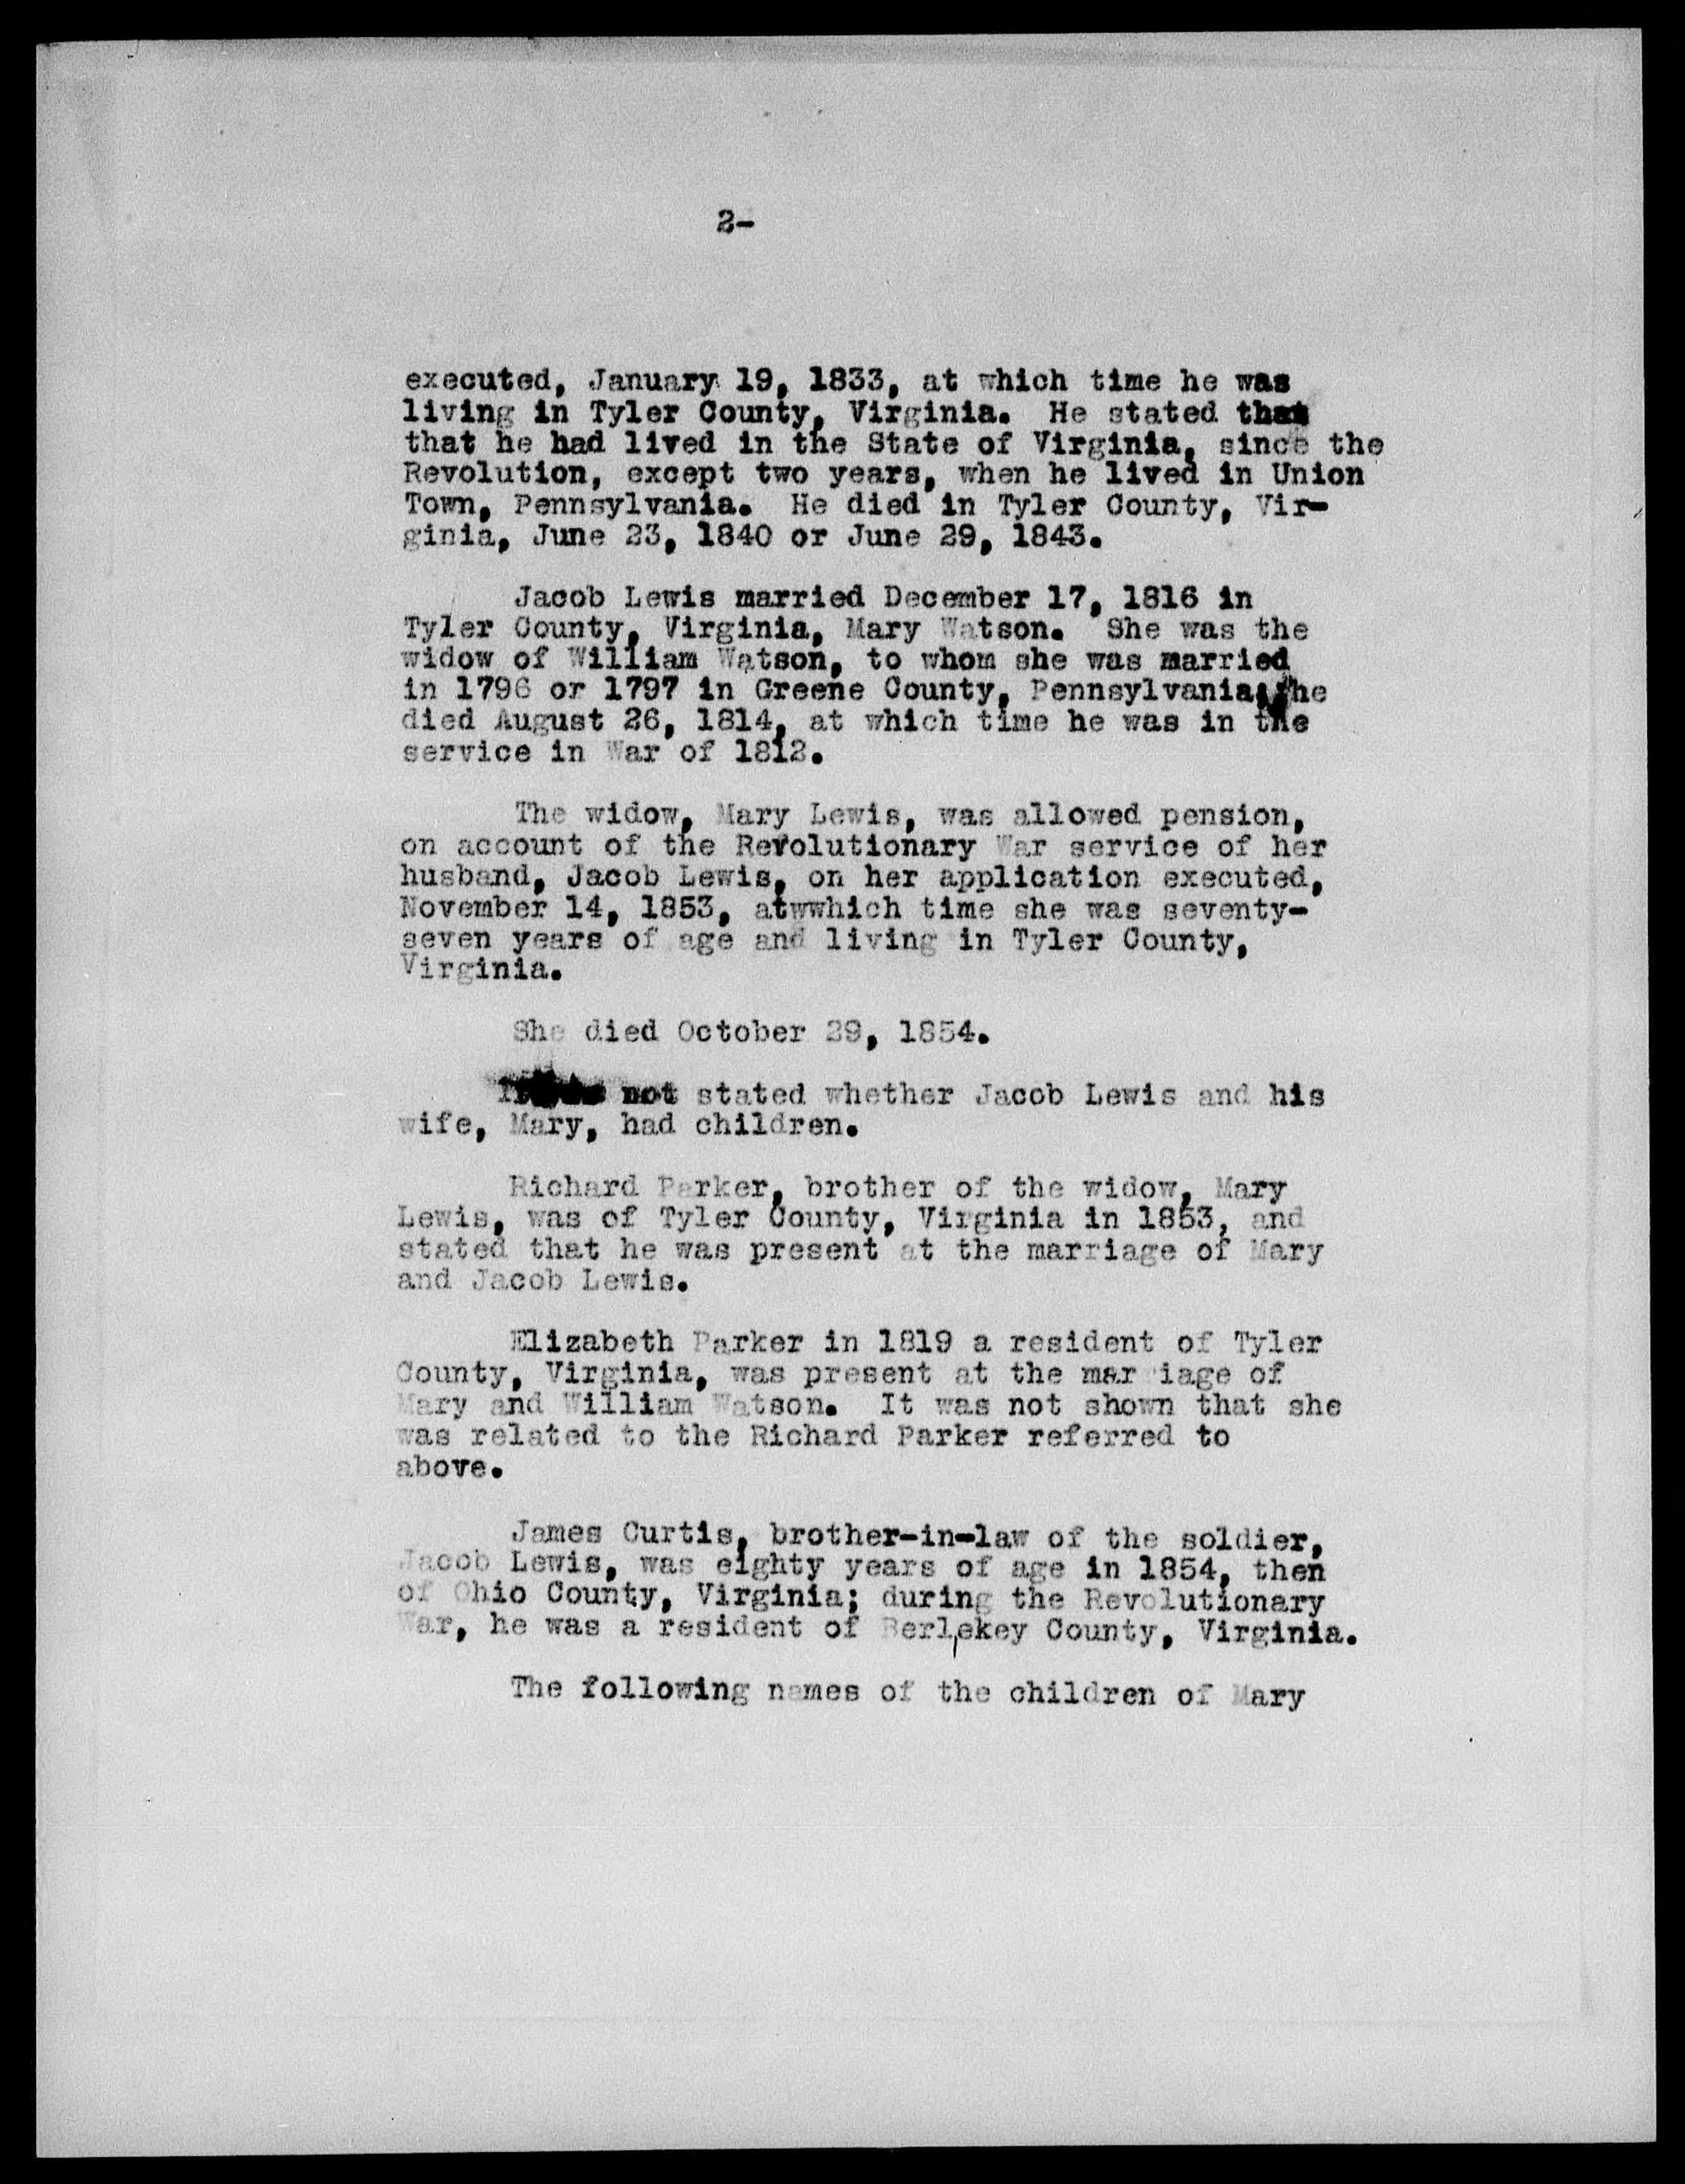2–
executed, January 19, 1833, at which time he was living in Tyler County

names: Jacob Lewis; William Watson; Mary Lewis; James Curtis; Elizabeth Parker; Richard Parker; Mary Watson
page: 21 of 69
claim: widow's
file: W 8044, for Jacob Lewis, Virginia